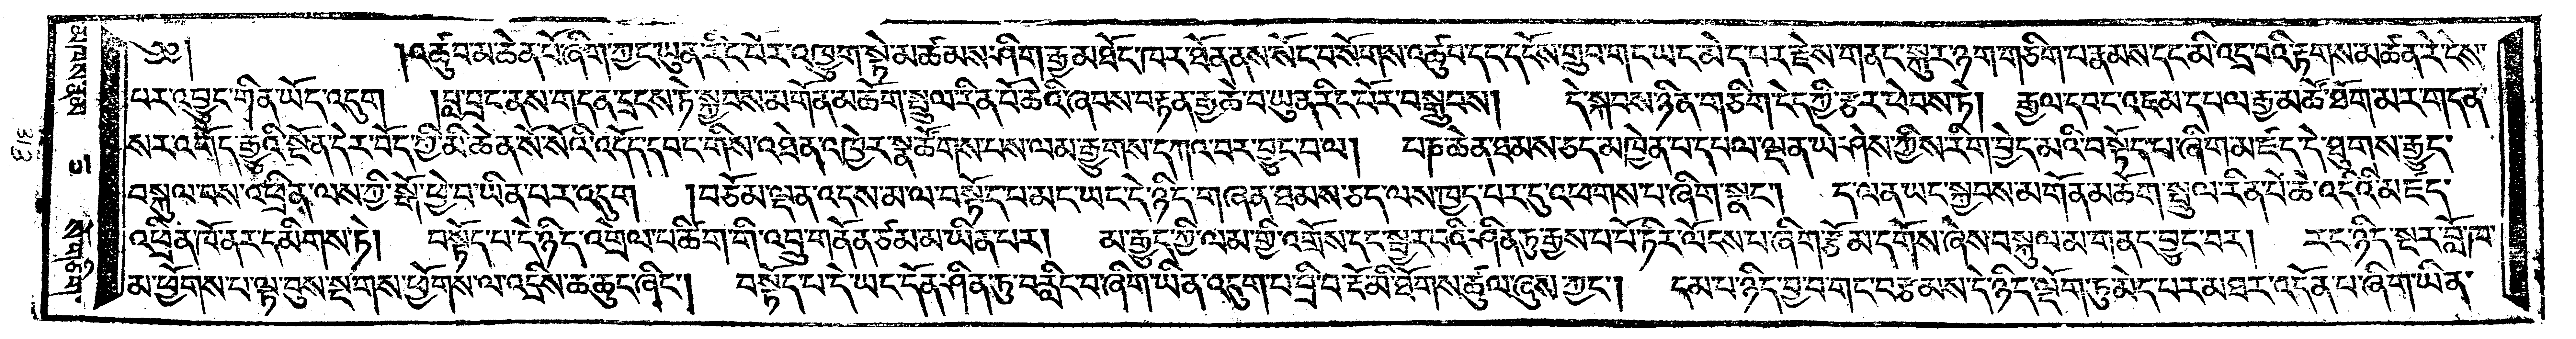༄༅། །འཚུབ་མ་ཆེན་པོ་ཞིག་ཀྱང་ཡུན་རིང་པོར་འཁྱུག་སྟེ་མཚམས་ཤིག་རྒྱ་མཐོང་ཁར་ཐོན་ནས་སོང་བ་སོགས་འཚུབ་དང་དངོས་གྲུབ་གང་ཡང་མེད་པར་རྗེས་གནང་སྐུར་ཉག་གཅིག་པ་རྣམས་དང་མི་འདྲ་བའི་རྟགས་མཚན་རེ་ངེས་
པར་འབྱུང་གིན་ཡོད་འདུག །བླ་བྲང་ནས་གདན་དྲངས་ཏེ་སྐྱབས་མགོན་མཆོག་སྤྲུལ་རིན་པོ་ཆེའི་ཞབས་བརྟན་རྒྱ་ཆེ་བ་ཡུན་རིང་པོར་བསྒྲུབས། དེ་སྐབས་ཉིན་གཅིག་ངེད་ཀྱི་རྩར་ཕེབས་ཏེ། རྒྱལ་དབང་འཇམ་དཔལ་རྒྱ་མཚོ་ཐོག་མར་གདན་
སར་འགོད་རྒྱུའི་སྔོན་དེར་བོད་ཀྱི་མི་ཆེན་སོ་སོའི་འདོད་དབང་གིས་འཐེན་འཁྱེར་སྣ་ཚོགས་པས་ལམ་རྒྱུགས་དཀའ་བར་བྱུང་བ་ལ། པཎ་ཆེན་ཐམས་ཅད་མཁྱེན་པ་དཔལ་ལྡན་ཡེ་ཤེས་ཀྱིས་རིག་བྱེད་མའི་བསྟོད་པ་ཞིག་མཛད་དེ་ཐུགས་རྒྱུད་
བསྐུལ་བས་འཕྲིན་ལས་ཀྱི་སྒོ་ཕྱེ་བ་ཡིན་པར་འདུག །བཅོམ་ལྡན་འདས་མ་ལ་བསྟོད་པ་མང་ཡང་དེ་ཉིད་གཞན་ཐམས་ཅད་ལས་ཁྱད་པར་དུ་འཕགས་པ་ཞིག་སྣང་། ད་ལན་ཡང་སྐྱབས་མགོན་མཆོག་སྤྲུལ་རིན་པོ་ཆེ་འདིའི་མཛད་
འཕྲིན་ཁོ་ནར་དམིགས་ཏེ། བསྟོད་པ་དེ་ཉིད་འགྲེལ་བ་ཚིག་གི་འབྲུ་གཞོན་ཙམ་མ་ཡིན་པར། མ་རྒྱུད་ཀྱི་ལམ་གྱི་འགྲོས་དང་སྦྱར་བའི་ཤིན་ཏུ་རྒྱས་བ་པོ་ཏིར་ལོངས་པ་ཞིག་རྩོམ་དགོས་ཞེས་བསྐུལ་མ་གནང་བྱུང་བར། རང་ཉིད་སྔར་གློབ་
མ་ཕྱོགས་པ་ལྟ་བུས་སྔགས་ཕྱོགས་ལ་འདྲིས་ཆ་ཆུང་ཞིང་། བསྟོད་པ་དེ་ཡང་དོན་ཤིན་ཏུ་བརླིང་བ་ཞིག་ཡིན་འདུག་པ་བྲི་བ་རྔོ་མི་ཐོགས་ཚུལ་ཞུས་ཀྱང་། དམ་པ་ཉིད་བྱ་བ་གང་བརྩམས་དེ་ཉིད་ལྡོག་ཏུ་མེད་པར་མཐར་འདོན་པ་ཞིག་ཡིན་